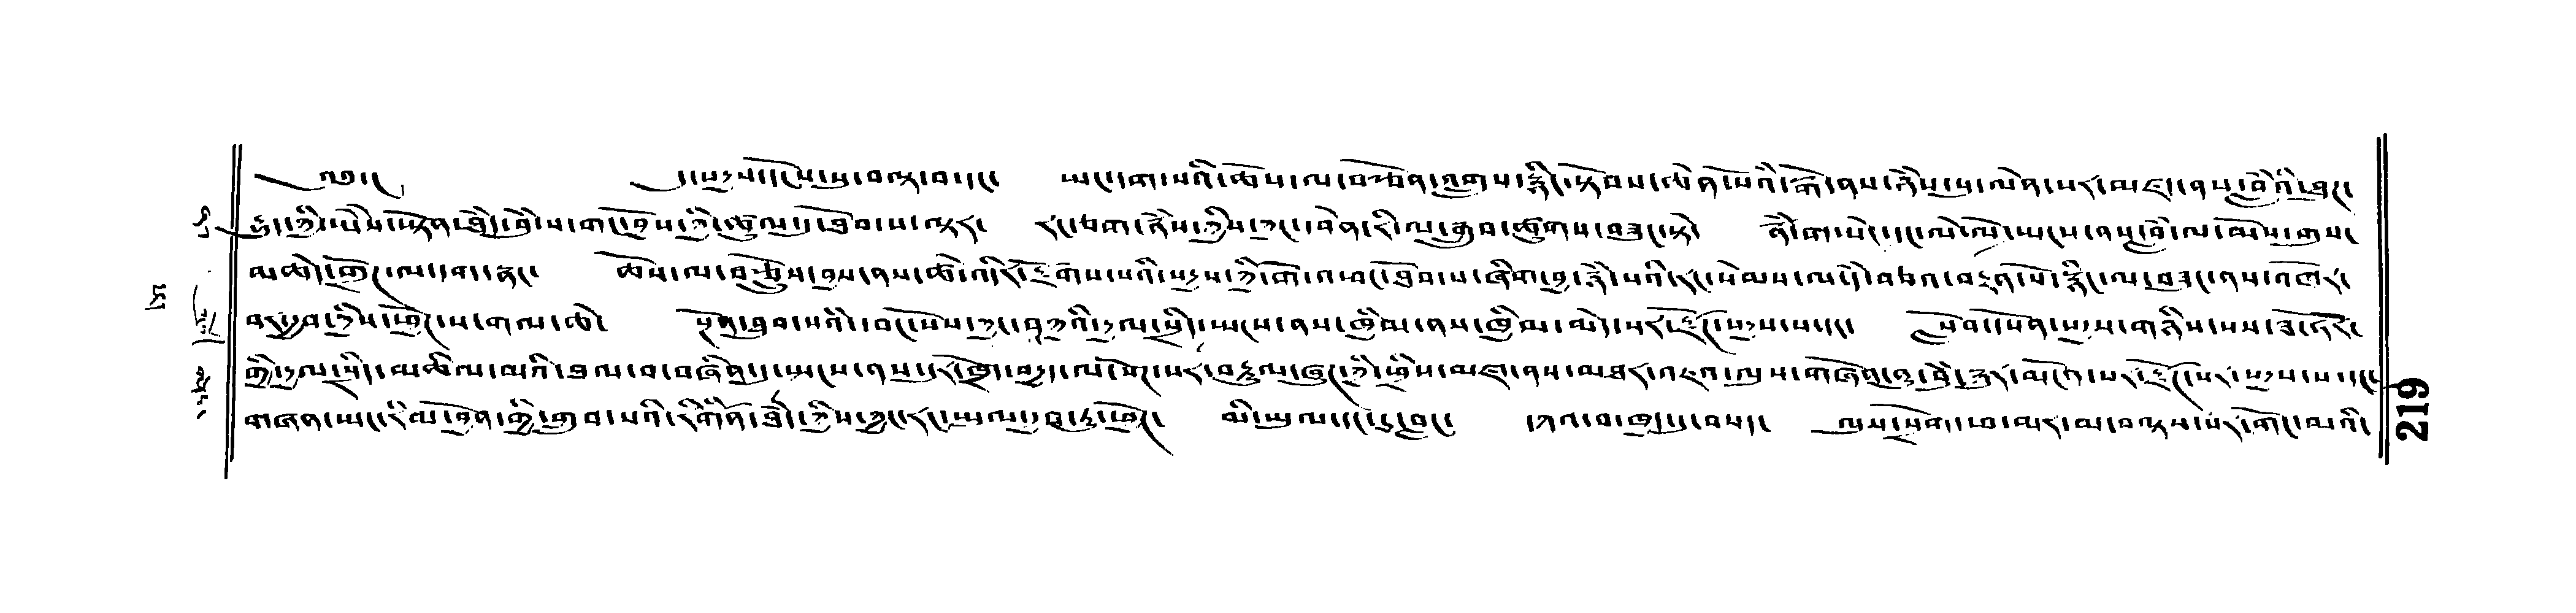དུ་སངས་རྒྱས་དངོས་སུ་བལྟ་བ་དང་། ཡང་དག་པའི་ཆོས་ལ་བརྩོན་འགྲུས་དང་སྙིང་སྟོབས་ཆེན་པོའི་སྒོ་ནས་ཉམས་སུ་ལེན་པར་མཛད་ནས་བླ་མའི་ཐུགས་
རྒྱུད་ཀྱི་ཡེ་ཤེས་ཡོན་ཏན་ཐམས་ཅད་བུམ་པ་གང་བྱོའྀ་ཚུལ་དུ་ཐོབ་པ་ལྟར། རང་ཅག་རྣམས་ཀྱིས་ཀྱང་དབེན་རི་ལ་སྒྲུབ་ཚུགས་བཟུང་སྟེ། རྣམ་གཡེང་དང་ལེ་ལོ་སྤངས་ནས་བླ་མ་ལ་མོས་གུས། 
མཆེད་གྲོགས་ལ་དག་སྣང་། ཆོས་ལ་བརྩོན་གྲུས་བྱས་ནས་ཚེ་འདིར་རྫོགས་པའི་སངས་རྒྱས་ཀྱི་གོ་འཕང་ཐོབ་པ་ཞིག་བྱ་སྙམ་པས་རང་སེམས་ལ་དམ་བཅའ་བརྟན་པོ་སྙིང་ལ་བཟུང་ནས་འཁོར་
བར་རྒྱབ་ཀྱིས་ཕྱོགས་པ་གལ་ཆེ། སྔོན་ཐུབ་པའི་དབང་པོས་ཀྱང་ཤཱཀྱའི་རྒྱལ་སྲིད་སྤངས་ནས་ཁྱིམ་ནས་ཁྱིམ་མེད་པར་རྫོགས་སངས་རྒྱས་པ་དང་། སློབ་དཔོན་སངས་རྒྱས་གཉིས་པས་ཟ་ཧོར་
གྱི་རྒྱལ་སྲིད་མཆིལ་མའི་ཐལ་བ་བཞིན་དུ་སྤངས་ནས་དུར་ཁྲོད་བརྒྱད་ལ་སོགས་པར་བརྟུལ་ཞུགས་ཀྱི་ཕྲིན་ལས་མཛད་ནས་མཐར་འཇའ་ལུས་གཞོན་ནུ་བུམ་སྐུར་མངོན་པར་རྫོགས་པར་སངས་རྒྱས་པ་དང་། 
གཞན་ཡང་རིམ་བྱོན་གྱི་གྲུབ་པའི་རིག་འཛིན་ཐམས་ཅད་ཀྱིས་ཀྱང་རང་ཡུལ་རྒྱབ་ཏུ་ཕྱོགས། མི་ཡུལ་དང་དུ་བླངས། དཀའ་བ་ཁྱད་དུ་བསད། ལུས་སྲོག་ཕ་མར་མ་བལྟས་པར་གོང་མའི་